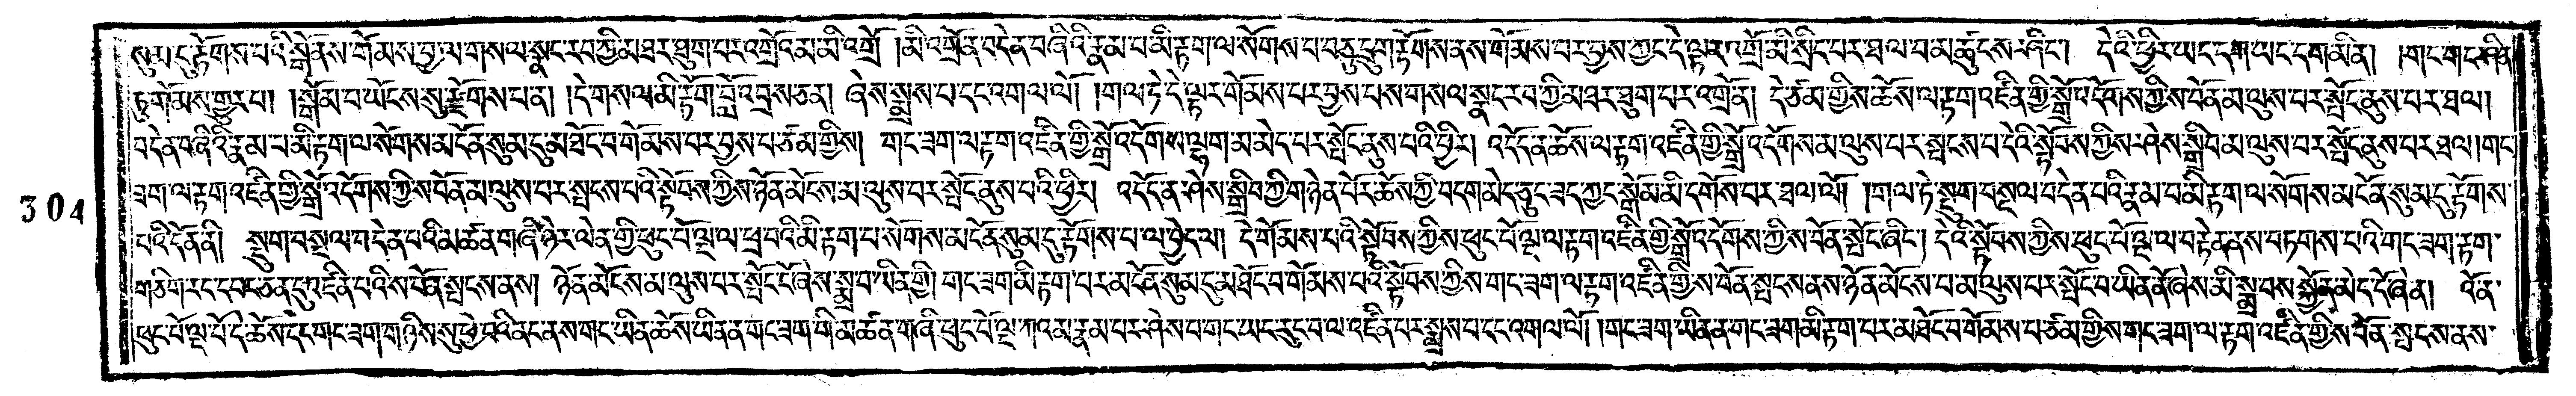སུམ་དུ་རྟོགས་པའི་སྒོ་ནས་གོམས་བྱ་ལ་གསལ་སྣང་རབ་ཀྱི་མཐར་ཐུག་པར་འགྲོའམ་མི་འགྲོ་།མི་འགྲོ་ན་བདེན་བཞིའི་རྣམ་པ་མི་རྟག་ལ་སོགས་པ་བཅུ་དྲུག་རྟོགས་ནས་གོམས་པར་བྱས་ཀྱང་དེ་ལྟར་འགྲོ་མི་སྲིད་པར་ཐལ་བ་མཚུངས་ཤིང་། དེའི་ཕྱིར་ཡང་དག་མིན། །གང་གང་ཤིན་
ཏུ་གོམས་གྱུར་པ། །སྒོམ་པ་ཡོངས་སུ་རྫོགས་པ་ནི། །དེ་གསལ་མི་རྟོག་བློ་འབྲས་ཅན། ཞེས་སྨྲས་པ་དང་འགལ་ལོ། །གལ་ཏེ་དེ་ལྟར་གོམས་པར་བྱས་པས་གསལ་སྣང་རབ་ཀྱི་མཐར་ཐུག་པར་འགྲོ་ན། དེ་ཙམ་གྱིས་ཆོས་ལ་རྟག་འཛིན་གྱི་སྒྲོ་འདོགས་ཀྱི་ས་བོན་མ་ལུས་པར་སྤོང་ནུས་བར་ཐལ།
བདེན་བཞིའི་རྣམ་པ་མི་རྟག་ལ་སོགས་མངོན་སུམ་དུ་མཐོང་བ་གོམས་པར་བྱས་པ་ཙམ་གྱིས། གང་ཟག་ལ་རྟག་འཛིན་གྱི་སྒྲོ་འདོགས་ལྷག་མ་མེད་པར་སྤོང་ནུས་པའི་ཕྱིར། འདོད་ན་ཆོས་ལ་རྟག་འཛིན་གྱི་སྒྲོ་འདོགས་མ་ལུས་པར་སྤངས་པ་དེའི་སྟོབས་ཀྱིས་ཤིས་སྒྲིབ་མ་ལུས་བར་སྤོང་ནུས་པར་ཐལ། གང་
ཟག་ལ་རྟག་འཛིན་གྱི་སྒྲོ་འདོགས་ཀྱི་ས་བོན་མ་ལུས་པར་སྤངས་པའི་སྟོབས་ཀྱིས་ཉོན་མོངས་མ་ལུས་པར་སྤོང་ནུས་པའི་ཕྱིར། འདོད་ན་ཤེས་སྒྲིབ་ཀྱི་གཉེན་པོར་ཆོས་ཀྱི་བདག་མེད་ཅུང་ཟད་ཀྱང་སྒོམ་མི་དགོས་པར་ཐལ་ལོ། །གལ་ཏེ་སྡུག་བསྔལ་བདེན་པའི་རྣམ་པ་མི་རྟག་ལ་སོགས་མངོན་སུམ་དུ་རྟོགས་
པའི་དོན་ནི། སྡུག་བསྔལ་བདེན་པའི་མཚན་གཞི་ཉེར་ལེན་གྱི་ཕུང་པོ་ལྔ་ལ་ཕྲ་བའི་མི་རྟག་པ་སོགས་མངོན་སུམ་དུ་རྟོགས་པ་ལ་བྱེད་ལ། དེ་གོམས་པའི་སྟོབས་ཀྱིས་ཕུང་པོ་ལྔ་ལ་རྟག་འཛིན་གྱི་སྒྲོ་འདོགས་ཀྱི་ས་བོན་སྤོང་ཞིང་། དེའི་སྟོབས་ཀྱིས་ཕུང་པོ་ལྔ་ལ་བརྟེན་ནས་བཏགས་པའི་གང་ཟག་རྟག་
གཅིག་རང་དབང་ཅན་དུ་འཛིན་པའི་ས་བོན་སྤངས་ནས། ཉོན་མོངས་མ་ལུས་པར་སྤོང་ངོ་ཞེས་སྨྲ་བ་ཡིན་གྱི། གང་ཟག་མི་རྟག་པར་མངོན་སུམ་དུ་མཐོང་བ་གོམས་པའི་སྟོབས་ཀྱིས་གང་ཟག་ལ་རྟག་འཛིན་གྱི་ས་བོན་སྤངས་ནས་ཉོན་མོངས་པ་མ་ལུས་པར་སྤོང་བ་ཡིན་ནོ་ཞེས་མི་སྨྲ་བས་སྐྱོན་མེད་དོ་ཞེ་ན། འོ་ན་
ཕུང་པོ་ལྔ་པོ་དེ་ཆོས་དང་གང་ཟག་གཉིས་སུ་ཕྱེ་བའི་ནང་ནས་གང་ཡིན་ཆོས་ཡིན་ན་གང་ཟག་གི་མཚན་གཞི་ཕུང་པོ་ལྔ་ཀའམ་རྣམ་པར་ཤེས་པ་གང་ཡང་རུང་བ་ལ་འཛིན་པར་སྨྲས་པ་དང་འགལ་ལོ། །གང་ཟག་ཡིན་ན་གང་ཟག་མི་རྟག་པར་མཐོང་བ་གོམས་པ་ཙམ་གྱིས་གང་ཟག་ལ་རྟག་འཛིན་གྱི་ས་བོན་སྤངས་ནས་